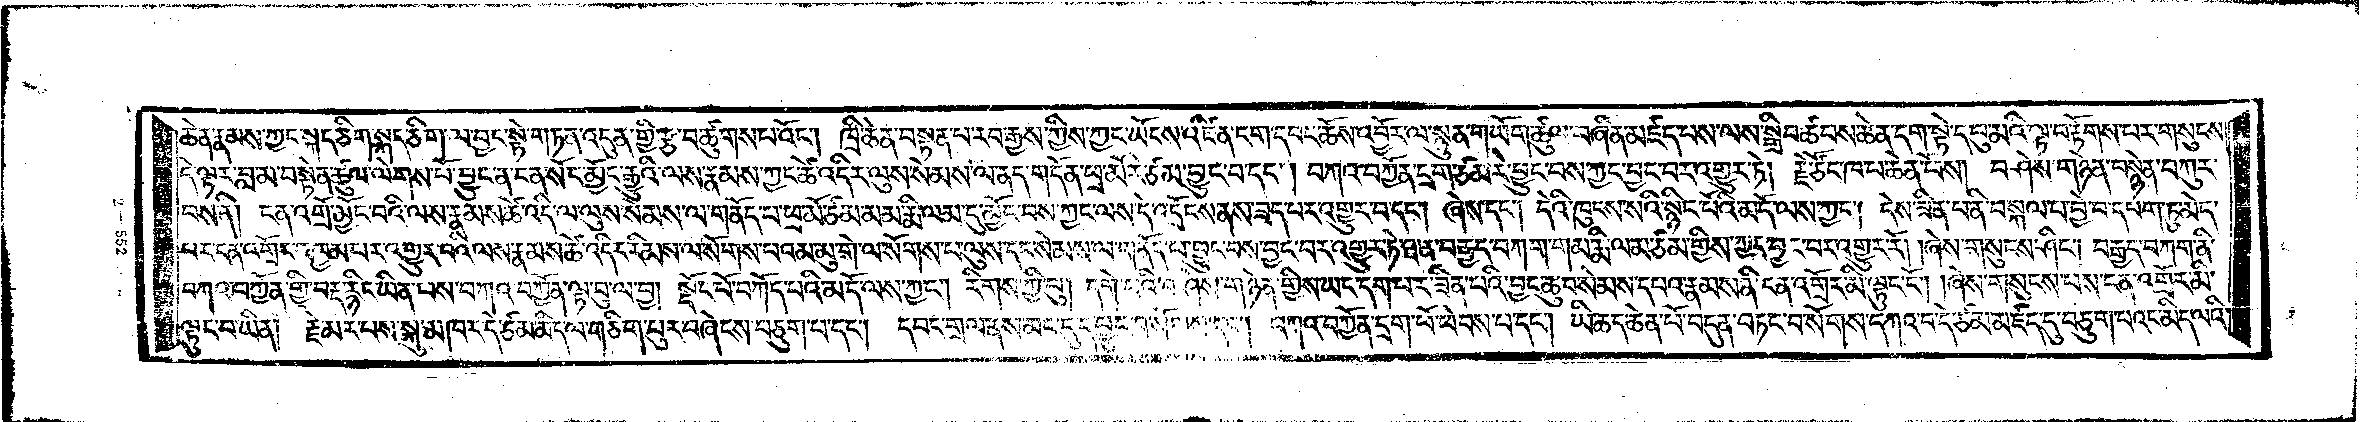ཅན་རྣམས་ཀྱང་སྐད་ཅིག་སྐད་ཅིག་ལ་བྱང་སྟེ་གཏན་འདུན་གྱི་རྩ་བ་ཚུགས་པ་འོང་། ཁྲི་ཆེན་བསྟན་པ་རབ་རྒྱས་ཀྱིས་ཀྱང་ཡོངས་འཛིན་ངག་དབང་ཆོས་འབྱོར་ལ་སྙུན་གཡོག་ཚུལ་བཞིན་མཛད་པས་ལས་སྒྲིབ་ཚབས་ཆེན་དག་སྟེ་དབུ་མའི་ལྟ་བ་རྟོགས་པར་གསུངས་
ལྟར་བླ་མ་བསྟེན་ཚུལ་ལེགས་པོ་བྱུང་ན་ངན་སོང་མྱོང་རྒྱུའི་ལས་རྣམས་ཀྱང་ཚེ་འདིར་ལུས་སེམས་ལ་ནད་གདོན་ཕྲ་མོ་རེ་ཙམ་བྱུང་བ་དང་། བཀའ་བཀྱོན་དྲག་ཙམ་རེ་བྱུང་བས་ཀྱང་བྱང་བར་འགྱུར་ཏེ། རྗེ་ཙོང་ཁ་པ་ཆེན་པོས། བཤེས་གཉེན་བསྙེན་བཀུར་
བས་ནི། ངན་འགྲོ་མྱོང་བའི་ལས་རྣམས་ཚེ་འདི་ལ་ལུས་སེམས་ལ་གནོད་པ་ཕྲ་མོ་ཙམ་མམ་རྨི་ལམ་དུ་མྱོང་བས་ཀྱང་ལས་དེ་འདྲོངས་ནས་ཟད་པར་འགྱུར་བ་དང་། ཞེས་དང་། དེའི་ཁུངས་སའི་སྙིང་པོའི་མདོ་ལས་ཀྱང་། དེས་ཟིན་པ་ནི་བསྐལ་པ་བྱེ་བ་དཔག་ཏུ་མེད་
པར་ངན་འགྲོར་འཁྱམ་པར་འགྱུར་བའི་ལས་རྣམས་ཚེ་འདིར་རིམས་ལ་སོགས་པའམ་མུ་གེ་ལ་སོགས་པ་ལུས་དང་སེམས་ལ་གནོད་པ་བྱུང་བས་བྱང་བར་འགྱུར་ཏེ་ཐ་ན་བརྒྱད་བཀག་གམ་རྨི་ལམ་ཙམ་གྱིས་ཀྱང་བྱང་བར་འགྱུར་རོ། །ཞེས་གསུངས་ཤིང་། བརྒྱད་བཀག་ནི་
དཀའ་བཀྱོན་གྱི་བརྡ་རྙིང་ཡིན་པས་བཀའ་བཀྱོན་ལྟ་བུ་ལ་བྱ། སྡོང་པོ་བཀོད་པའི་མདོ་ལས་ཀྱང་། རིགས་ཀྱི་བུ། དགེ་བའི་བཤེས་གཉེན་གྱིས་ཡང་དག་པར་ཟིན་པའི་བྱང་ཆུབ་སེམས་དཔའ་རྣམས་ནི་ངན་འགྲོར་མི་ལྟུང་ངོ། །ཞེས་གསུངས་པས་ངན་འགྲོར་མི་
སྙིང་བ་ཡིན། རྗེ་མར་པས་སྐུ་མཁར་དེ་ཙམ་མིད་ལ་གཅིག་པུར་བཞེངས་བཅུག་པ་དང་། དབང་གྲལ་ནས་མང་དུ་དབྱུང་བ་སོགས་དང་། བཀའ་བཀྱོན་དྲག་པོ་ཕེབས་པ་དང་། ཡི་ཆད་ཆེན་པོ་བདུན་བཏང་བ་སོགས་དཀའ་བ་དེ་ཙམ་མཛད་དུ་བཅུག་པའང་མིད་ལའི་